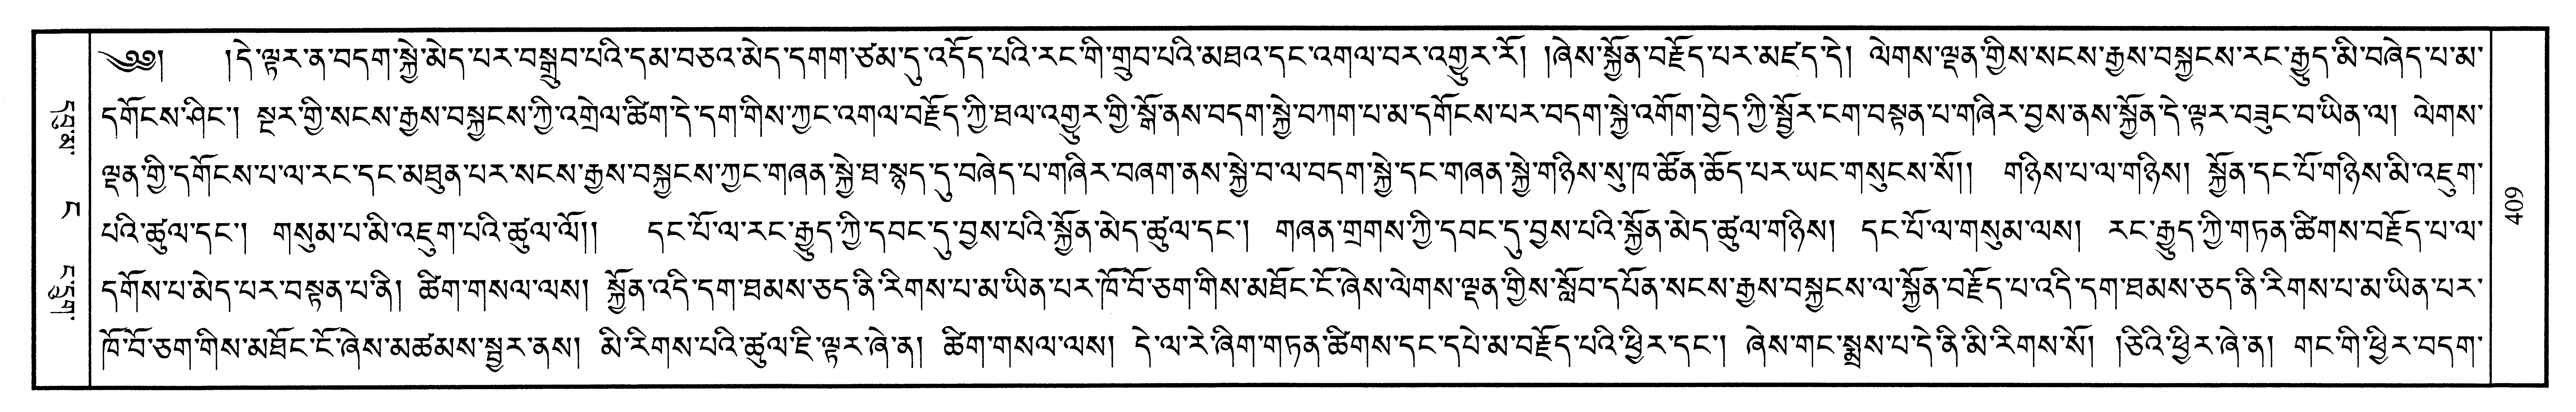༄༅། །དེ་ལྟར་ན་བདག་སྐྱེ་མེད་པར་བསྒྲུབ་པའི་དམ་བཅའ་མེད་དགག་ཙམ་དུ་འདོད་པའི་རང་གི་གྲུབ་པའི་མཐའ་དང་འགལ་བར་འགྱུར་རོ། །ཞེས་སྐྱོན་བརྗོད་པར་མཛད་དེ། ལེགས་ལྡན་གྱིས་སངས་རྒྱས་བསྐྱངས་རང་རྒྱུད་མི་བཞེད་པ་མ་
དགོངས་ཤིང་། སྔར་གྱི་སངས་རྒྱས་བསྐྱངས་ཀྱི་འགྲེལ་ཚིག་དེ་དག་གིས་ཀྱང་འགལ་བརྗོད་ཀྱི་ཐལ་འགྱུར་གྱི་སྒོ་ནས་བདག་སྐྱེ་བཀག་པ་མ་དགོངས་པར་བདག་སྐྱེ་འགོག་བྱེད་ཀྱི་སྦྱོར་ངག་བསྟན་པ་གཞིར་བྱས་ནས་སྐྱོན་དེ་ལྟར་བཟུང་བ་ཡིན་ལ། ལེགས་
ལྡན་གྱི་དགོངས་པ་ལ་རང་དང་མཐུན་པར་སངས་རྒྱས་བསྐྱངས་ཀྱང་གཞན་སྐྱེ་ཐ་སྙད་དུ་བཞེད་པ་གཞིར་བཞག་ནས་སྐྱེ་བ་ལ་བདག་སྐྱེ་དང་གཞན་སྐྱེ་གཉིས་སུ་ཁ་ཚོན་ཆོད་པར་ཡང་གསུངས་སོ།། གཉིས་པ་ལ་གཉིས། སྐྱོན་དང་པོ་གཉིས་མི་འཇུག་
པའི་ཚུལ་དང་། གསུམ་པ་མི་འཇུག་པའི་ཚུལ་ལོ།། དང་པོ་ལ་རང་རྒྱུད་ཀྱི་དབང་དུ་བྱས་པའི་སྐྱོན་མེད་ཚུལ་དང་། གཞན་གྲགས་ཀྱི་དབང་དུ་བྱས་པའི་སྐྱོན་མེད་ཚུལ་གཉིས། དང་པོ་ལ་གསུམ་ལས། རང་རྒྱུད་ཀྱི་གཏན་ཚིགས་བརྗོད་པ་ལ་
དགོས་པ་མེད་པར་བསྟན་པ་ནི། ཚིག་གསལ་ལས། སྐྱོན་འདི་དག་ཐམས་ཅད་ནི་རིགས་པ་མ་ཡིན་པར་ཁོ་བོ་ཅག་གིས་མཐོང་ངོ་ཞེས་ལེགས་ལྡན་གྱིས་སློབ་དཔོན་སངས་རྒྱས་བསྐྱངས་ལ་སྐྱོན་བརྗོད་པ་འདི་དག་ཐམས་ཅད་ནི་རིགས་པ་མ་ཡིན་པར་
ཁོ་བོ་ཅག་གིས་མཐོང་ངོ་ཞེས་མཚམས་སྦྱར་ནས། མི་རིགས་པའི་ཚུལ་ཇི་ལྟར་ཞེ་ན། ཚིག་གསལ་ལས། དེ་ལ་རེ་ཞིག་གཏན་ཚིགས་དང་དཔེ་མ་བརྗོད་པའི་ཕྱིར་དང་། ཞེས་གང་སྨྲས་པ་དེ་ནི་མི་རིགས་སོ། །ཅིའི་ཕྱིར་ཞེ་ན། གང་གི་ཕྱིར་བདག་